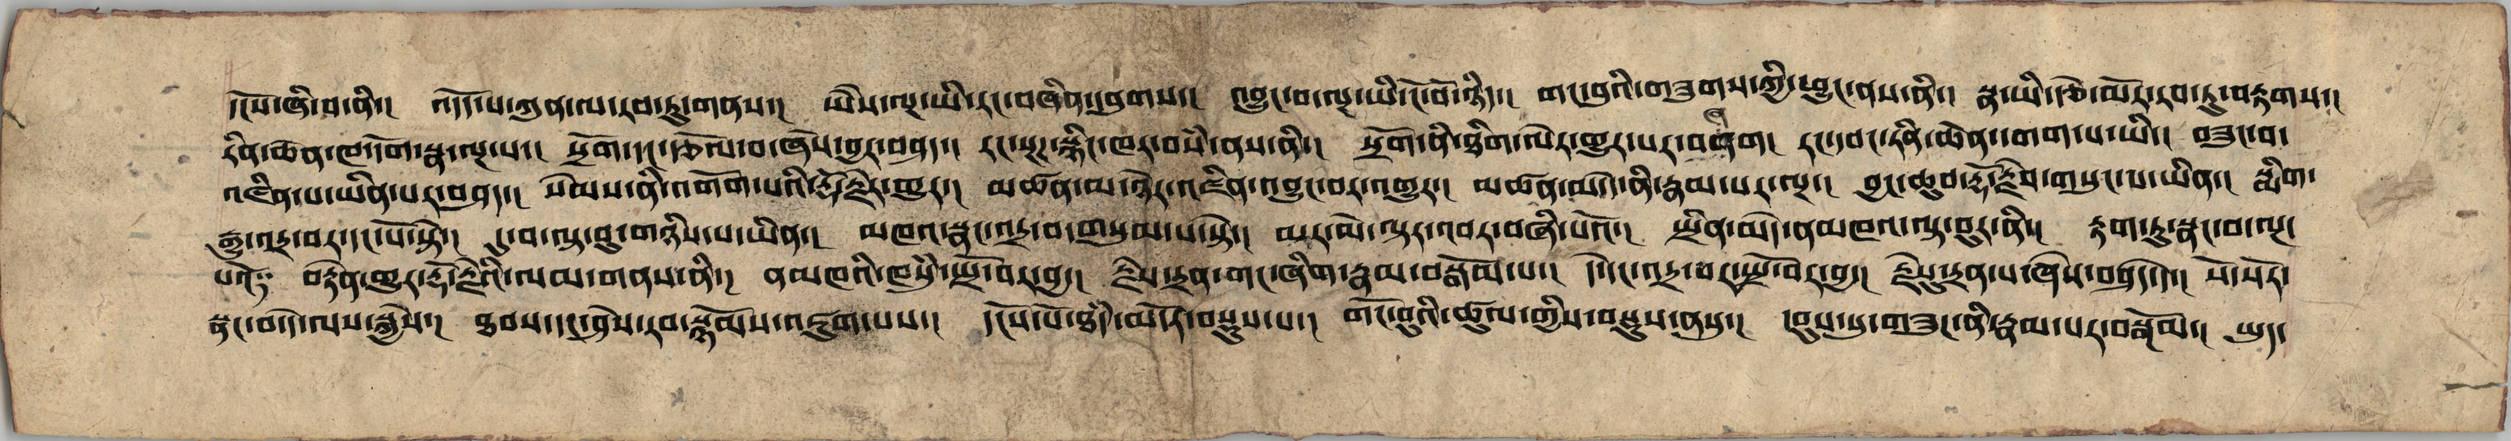དངོས་ཞི་བ་ནི་། འདོད་པ་ཀུན་ལ་རབ་ཏུ་གནས་། ཡཻས་ལྔ་ཡི་རང་བཞིན་དབུགས་། འབྱུང་བ་ལྔ་ཡི་ངོ་བོ་ཉིད་། གང་བུའི་གཟུགས་ཀྱི་ཕྱུང་ནས་ནི་། སྣ་ཡི་རྩེ་མོར་རབ་ཏུ་བརྟགས་།
རིན་ཆེན་ཁ་དོག་སྣ་ལྔ་པ་། སྲོག་དང་རྩོལ་བ་ཞེས་བྱར་བཤད་། རང་སྔཌ་སྙིང་ཁར་བསཾ་ནས་ནི་། སྲོག་ནི་ཐིག་ལེར་གྱུར་པར་བཤིག། རང་དབང་རིན་ཆེན་དགག་པ་ཡི་། བཟུང་བ་
འཛིན་པ་ཡིན་པར་བཤད་། སེམས་ནི་འགོག་པའི་རྡོ་རྗེར་གྱུར་། མཚན་མ་ཉེར་འཛིན་འབྱུང་བར་འགྱུར་། མཚན་མ་དེ་ནི་རྣམ་པར་ལྔ་། བྱང་ཆུབ་རྡོ་རྗེས་གསུང་པ་ཡིན་། སྨིག་
རྒྱུ་འདྲ་བར་དང་པོ་སྟེ་། དུ་བ་ལྟ་བུ་གཉིས་པ་ཡིན་། མཁའ་སྣང་འདྲ་བ་གསུམ་པ་སྟེ་། མར་མེ་ལྟར་འབར་བཞི་པའོ་། སྤྲིན་མེད་ནམཁའ་ལྟ་བུར་ནི་། རྟག་ཏུ་སྣང་བ་ལྔ་
པའོ༑ བརྟེན་གྱུར་རྡོ་རྗེའི་ལམ་གནས་ནི་། ནམཁའི་ཁསུཾ་སྤྲོ་བར་བྱ་། རྗེས་དྲན་གང་ཞིག་རྣམ་བསྒོམ་པ་། དེ་དང་འདྲ་བར་སྤྲོ་བར་བྱ་ རྗེསུ་དྲན་པ་ཞེས་བཤད་དེ་། སོ་སོར་
སྣང་བ་དེ་ལས་སྐྱེས་། ཐབས་དང་ཤེས་རབ་སྙོམས་འཇུག་པས་། དངོས་པོ་ཐཾད་མདོར་བསྡུས་པ་། གོང་བུའི་ཚུལ་གྱིས་བསྡུས་ནསུ་། དབུས་སུ་གཟུཌ་ནི་རྣམ་པར་བསྒོམ་། ཡུད་